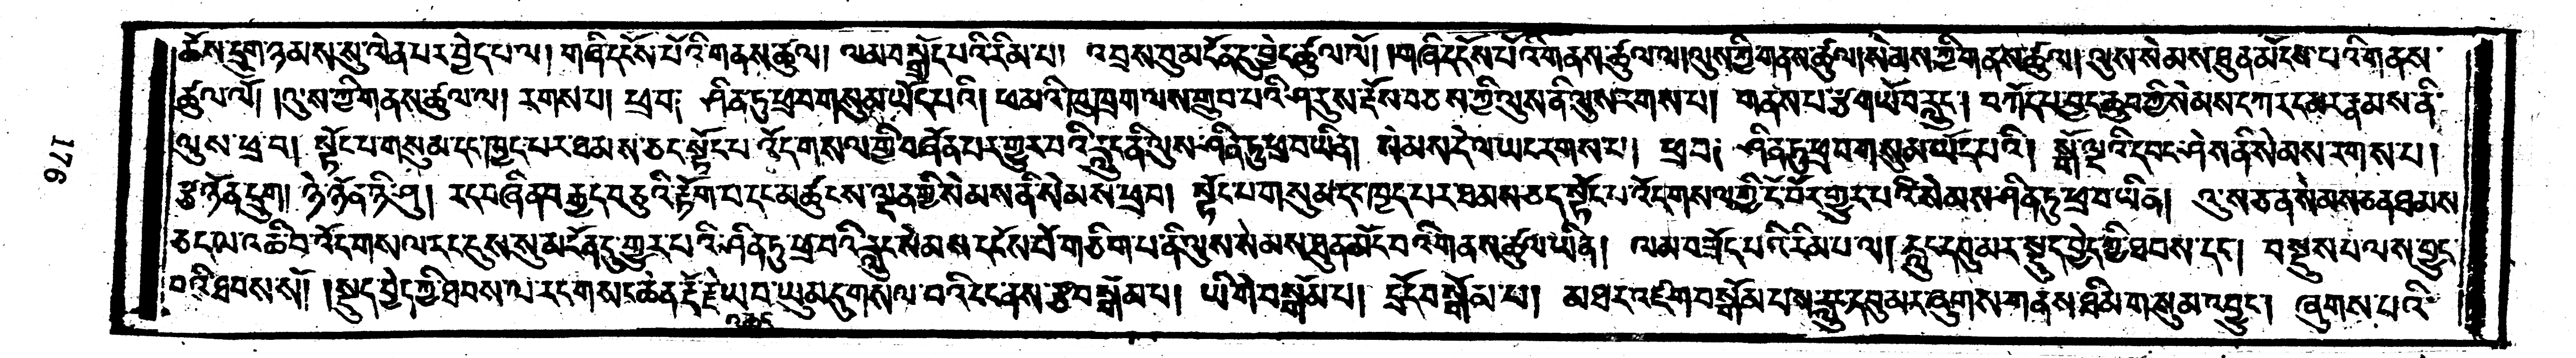ཆོས་དྲུག་ཉམས་སུ་ལེན་པར་བྱེད་པ་ལ། གཞི་དངོས་པོའི་གནས་ཚུལ། ལམ་བསྒྲོད་པའི་རིམ་པ། འབྲས་བུ་མངོན་དུ་བྱེད་ཚུལ་ལོ། །གཞི་དངོས་པོའི་གནས་ཚུལ་ལ། ལུས་ཀྱི་གནས་ཚུལ། སེམས་ཀྱི་གནས་ཚུལ། ལུས་སེམས་ཐུན་མོངས་པའི་གནས་
ཚུལ་ལོ། །ལུས་ཀྱི་གནས་ཚུལ་ལ། རགས་པ། ཕྲ་བ༑ ཤིན་ཏུ་ཕྲ་བ་གསུམ་ཡོད་པའི། ཕ་མའི་ཁུ་ཁྲག་ལས་གྲུབ་པའི་ཤ་རུས་རྡོས་བཅས་ཀྱི་ལུས་ནི་ལུས་རགས་པ། གནས་པ་རྩ་གཡོ་བ་རླུང་། བཀོད་པ་བྱང་ཆུབ་ཀྱི་སེམས་དཀར་དམར་རྣམས་ནི་
ལུས་ཕྲ་བ། སྟོང་པ་གསུམ་དང་ཁྱད་པར་ཐམས་ཅད་སྟོང་པ་འོད་གསལ་གྱི་བཞོན་པར་གྱུར་པའི་རླུང་ནི་ལུས་ཤིན་ཏུ་ཕྲ་བ་ཡིན། སེམས་དེ་ལ་ཡང་རགས་པ། ཕྲ་བ༑ ཤིན་ཏུ་ཕྲ་བ་གསུམ་ཡོད་པའི། སྒོ་ལྔའི་དབང་ཤེས་ནི་སེམས་རགས་པ།
རྩ་ཉོན་དྲུག། ཉེ་ཉོན་ཉི་ཤུ། རང་བཞིན་བརྒྱད་བཅུའི་རྟོག་པ་དང་མཚུངས་ལྡན་གྱི་སེམས་ནི་སེམས་ཕྲ་བ། སྟོང་པ་གསུམ་དང་ཁྱད་པར་ཐམས་ཅད་སྟོང་པ་འོད་གསལ་གྱི་ངོ་བོར་གྱུར་པའི་སེམས་ཤིན་ཏུ་ཕྲ་བ་ཡིན། ལུས་ཅན་སེམས་ཅན་ཐམས་
ཅད་ལ་འཆི་བ་འོད་གསལ་དང་དུས་སུ་མངོན་དུ་གྱུར་པའི་ཤིན་ཏུ་ཕྲ་བའི་རླུང་སེམས་དངོས་པོ་གཅིག་པ་ནི་ལུས་སེམས་ཐུན་མོང་པའི་གནས་ཚུལ་ཡིན། ལམ་བཟོད་པའི་རིམ་པ་ལ། རླུང་དབུ་མར་སྡུད་བྱེད་ཀྱི་ཐབས་དང་། བསྡུས་པ་ལས་བྱུང་
བའི་ཐབས་སོ། །སྡུད་བྱེད་ཀྱི་ཐབས་ལ་རང་གསང་ཆེན་རྡོ་རྗེ་འཆང་ཡབ་ཡུམ་དུ་གསལ་བའི་དང་ནས་རྩ་བསྒོམ་པ། ཡི་གེ་བསྒོམ་པ། དྲོད་བསྒོམ་པ། མཐར་འཇིག་བསྒོམ་པས་རླུང་དབུ་མར་ཞུགས་གནས་ཐིམ་གསུམ་འབྱུང་། ཞུགས་པའི་